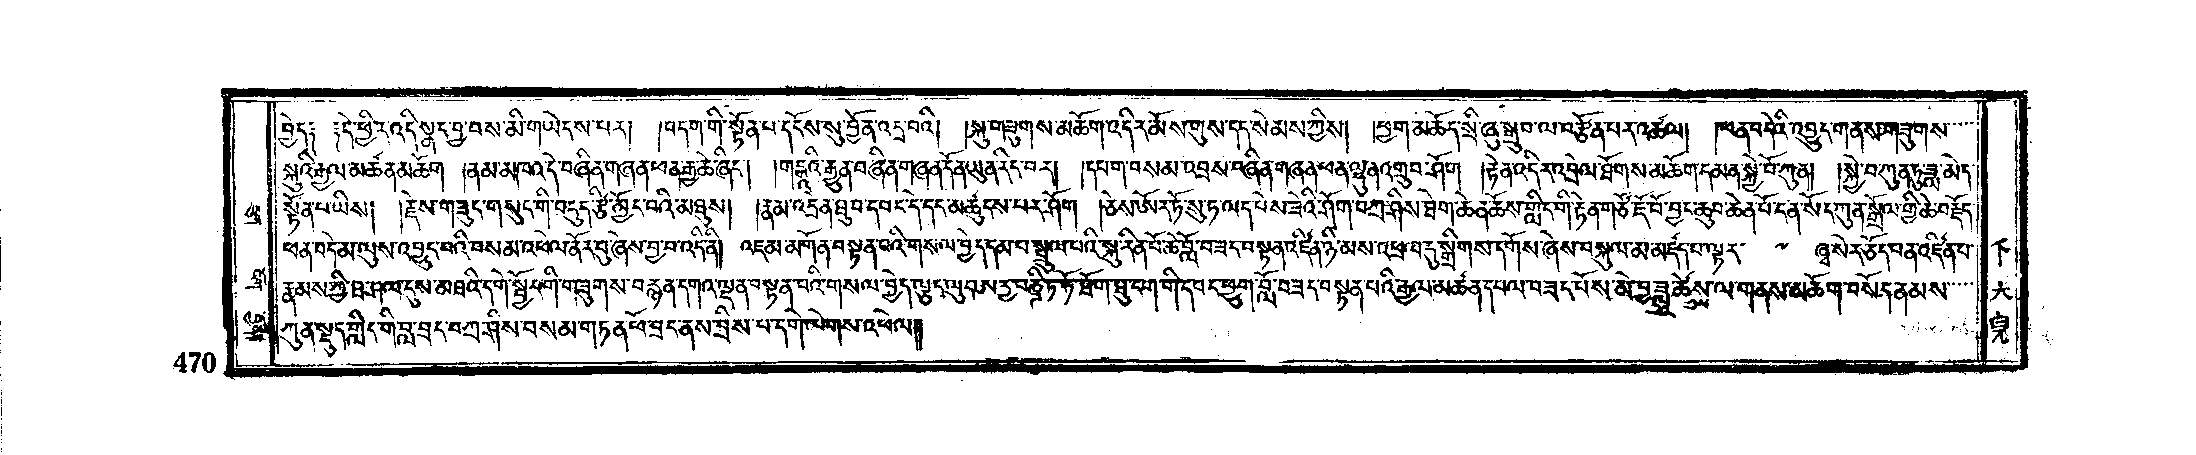བྱེད༑ ༑དེ་ཕྱིར་འདི་སྣང་བྱ་བས་མི་གཡེངས་པར། །བདག་གི་སྟོན་པ་དངོས་སུ་བྱོན་འདྲ་བའི། །སྐུ་གཟུགས་མཆོག་འདིར་མོས་གུས་དད་སེམས་ཀྱིས། །ཕྱག་མཆོད་སྲི་ཞུ་སྒྲུབ་ལ་བརྩོན་པར་འཚལ། །ཕན་བདེའི་འབྱུང་གནས་གཟུགས་
སྐུའི་རྒྱལ་མཚན་མཆོག །ནམ་མཁའ་དེ་བཞིན་གཞན་ཕན་རྒྱ་ཆེ་ཞིང་། །གངྒཱའི་རྒྱུན་བཞིན་གཞན་དོན་ཡུན་རིང་བར། །དཔག་བསམ་འབྲས་བཞིན་གཞན་ཕན་ལྷུན་འགྲུབ་ཤོག །རྟེན་འདིར་འབྲེལ་ཐོགས་མཆོག་དམན་སྐྱེ་བོ་ཀུན། །སྐྱེ་བ་ཀུན་ཏུ་ཟླ་མེད་
སྟོན་པ་ཡིས། །རྗེས་གཟུང་གསུང་གི་བདུད་རྩི་མྱོང་བའི་མཐུས། །རྣམ་འདྲེན་ཐུབ་དབང་དེ་དང་མཚུངས་པར་ཤོག །ཅེས་ཨོར་ཏོ་སུ་ཏ་ལད་པེས་ཟེའི་ཤོག་བཀྲ་ཤིས་ཐེག་ཆེན་ཆོས་གླིང་གི་རྟེན་གཙོ་ཇོ་བོ་བྱང་ཆུབ་ཆེན་པོ་ངན་སོང་ཀུན་སྒྲོལ་གྱི་ཆེ་བརྗོད་
ཕན་བདེ་མ་ལུས་འབྱུང་བའི་བསམ་འཕེལ་ནོར་བུ་ཞེས་བྱ་བ་འདི་ནི། འཇམ་མགོན་བསྟན་པའི་གསལ་བྱེད་དམ་པ་སྤྲུལ་པའི་སྐུ་རིན་པོ་ཆེ་བློ་བཟང་བསྟན་འཛིན་ཉི་མས་འཕྲལ་དུ་སྒྲིགས་དགོས་ཞེས་བསྐུལ་མ་མཛད་པ་ལྟར ༧་ཞྭ་སེར་ཅོད་པན་འཛིན་པ་
རྣམས་ཀྱི་ཊཿཨ་ཤལ་དུས་མཐའི་དགེ་སྦྱོང་གི་གཟུགས་བརྙན་དགའ་ལྡན་བསྟན་པའི་གསལ་བྱེད་ལྕང་ལུང་ཨརྱ་པཎྚྀ་ཏ་ཧོ་ཐོག་ཐུ་ངག་གི་དབང་ཕྱུག་བློ་བཟང་བསྟན་པའི་རྒྱལ་མཚན་དཔལ་བཟང་པོས་མེ་བྱ་ཟླ༡༢་ཚེས༡༥་ལ་གནས་མཆོག་བསོད་ནམས་
ཀུན་སྡུད་གླིང་གི་བླ་བྲང་བཀྲ་ཤིས་བསམ་གཏན་ཕོ་བྲང་ནས་བྲིས་པ་དགེ་ལེགས་འཕེལ།།